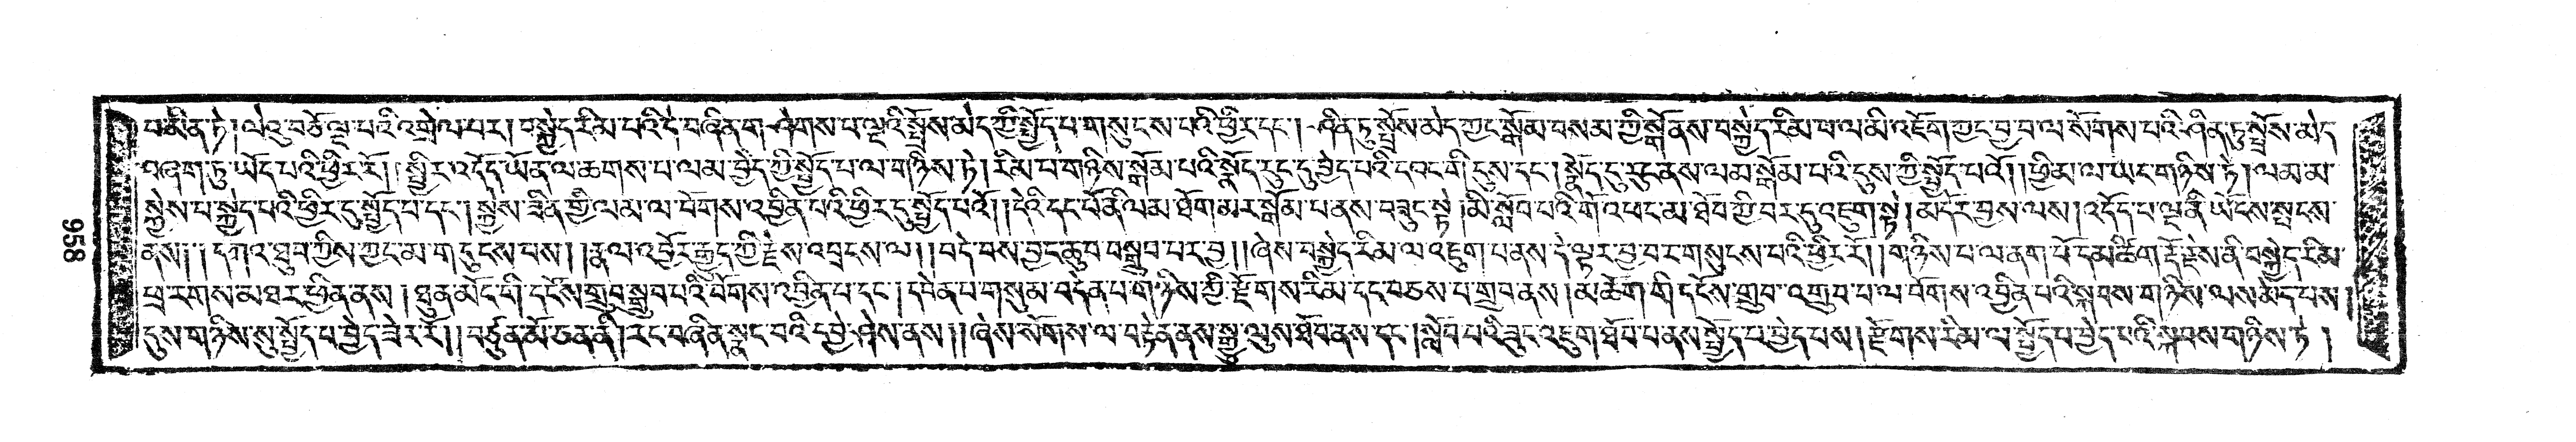པ་མིན་ཏེ། ལེའུ་བཅོ་ལྔ་པའི་འགྲེལ་པར། བསྐྱེད་རིམ་པའི་དེ་བཞིན་གཤེགས་པ་ལྔའི་སྤྲོས་མེད་ཀྱི་སྤྱོད་པ་གསུངས་པའི་ཕྱིར་དང་། ཤིན་ཏུ་སྤྲོས་མེད་ཀྱང་སྒོམ་བསམ་གྱི་སྒོ་ནས་བསྐྱེད་རིམ་པ་ལ་མི་འཇོག་ཀྱང་བྱ་བ་ལ་སོགས་པའི་ཤིན་ཏུ་སྤྲོས་མེད་
བཞག་ཏུ་ཡོད་པའི་ཕྱིར་རོ། །སྤྱིར་འདོད་ཡོན་ལ་ཆགས་པ་ལམ་བྱེད་ཀྱི་སྤྱོད་པ་ལ་གཉིས་ཏེ། རིམ་པ་གཉིས་སྒོམ་པའི་སྣོད་རུང་དུ་བྱེད་པའི་དབང་གི་དུས་དང་། སྣོད་དུ་རུང་ནས་ལམ་སྒོམ་པའི་དུས་ཀྱི་སྤྱོད་པའོ། །ཕྱི་མ་ལ་ཡང་གཉིས་ཏེ། ལམ་མ་
སྐྱེས་པ་སྐྱེད་པའི་ཕྱིར་དུ་སྤྱོད་པ་དང་། སྐྱེས་ཟིན་གྱི་ལམ་ལ་བོགས་འབྱིན་པའི་ཕྱིར་དུ་སྤྱོད་པའོ། །དེའི་དང་པོ་ནི་ལམ་ཐོག་མར་སྒོམ་པ་ནས་བཟུང་སྟེ། མི་སློབ་པའི་གོ་འཕང་མ་ཐོབ་ཀྱི་བར་དུ་འཇུག་སྟེ། མདོར་བྱས་ལས། འདོད་པ་ལྔ་ནི་ཡོངས་སྤངས་
ནས༑ ༑དཀའ་ཐུབ་ཀྱིས་ཀྱང་མ་གདུངས་པས། །རྣལ་འབྱོར་རྒྱུད་ཀྱི་རྗེས་འབངས་ལ། །བདེ་བས་བྱང་ཆུབ་བསྒྲུབ་པར་བྱ། །ཞེས་བསྐྱེད་རིམ་ལ་འཇུག་པ་ནས་དེ་ལྟར་བྱ་བར་གསུངས་པའི་ཕྱིར་རོ། །གཉིས་པ་ལ་ནག་པོ་དམ་ཚིག་རྡོ་རྗེས་ནི་བསྐྱེད་རིམ་
ཕྲ་རགས་མཐར་ཕྱིན་ནས། ཐུན་མོང་གི་དངོས་གྲུབ་སྒྲུབ་པའི་བོགས་འབྱིན་པ་དང་། དབེན་པ་གསུམ་བདེན་པ་གཉིས་ཀྱི་རྫོགས་རིམ་དང་བཅས་པ་གྲུབ་ནས། མཆོག་གི་དངོས་གྲུབ་འགྲུབ་པ་ལ་བོགས་འབྱིན་པའི་སྐབས་གཉིས་ལས་མེད་པས།
དུས་གཉིས་སུ་སྤྱོད་པ་བྱེད་ཟེར་རོ། །བཙུན་མོ་ཅན་ནི། རང་བཞིན་སྣང་བའི་དབྱེ་ཤེས་ནས། །ཞེས་སོགས་ལ་བརྟེན་ནས་སྒྱུ་ལུས་ཐོབ་ནས་དང་། སློབ་པའི་ཟུང་འཇུག་ཐོབ་པ་ནས་སྤྱོད་པ་བྱེད་པས། རྫོགས་རིམ་ལ་སྤྱོད་པ་བྱེད་པའི་སྐབས་གཉིས་ཏེ།